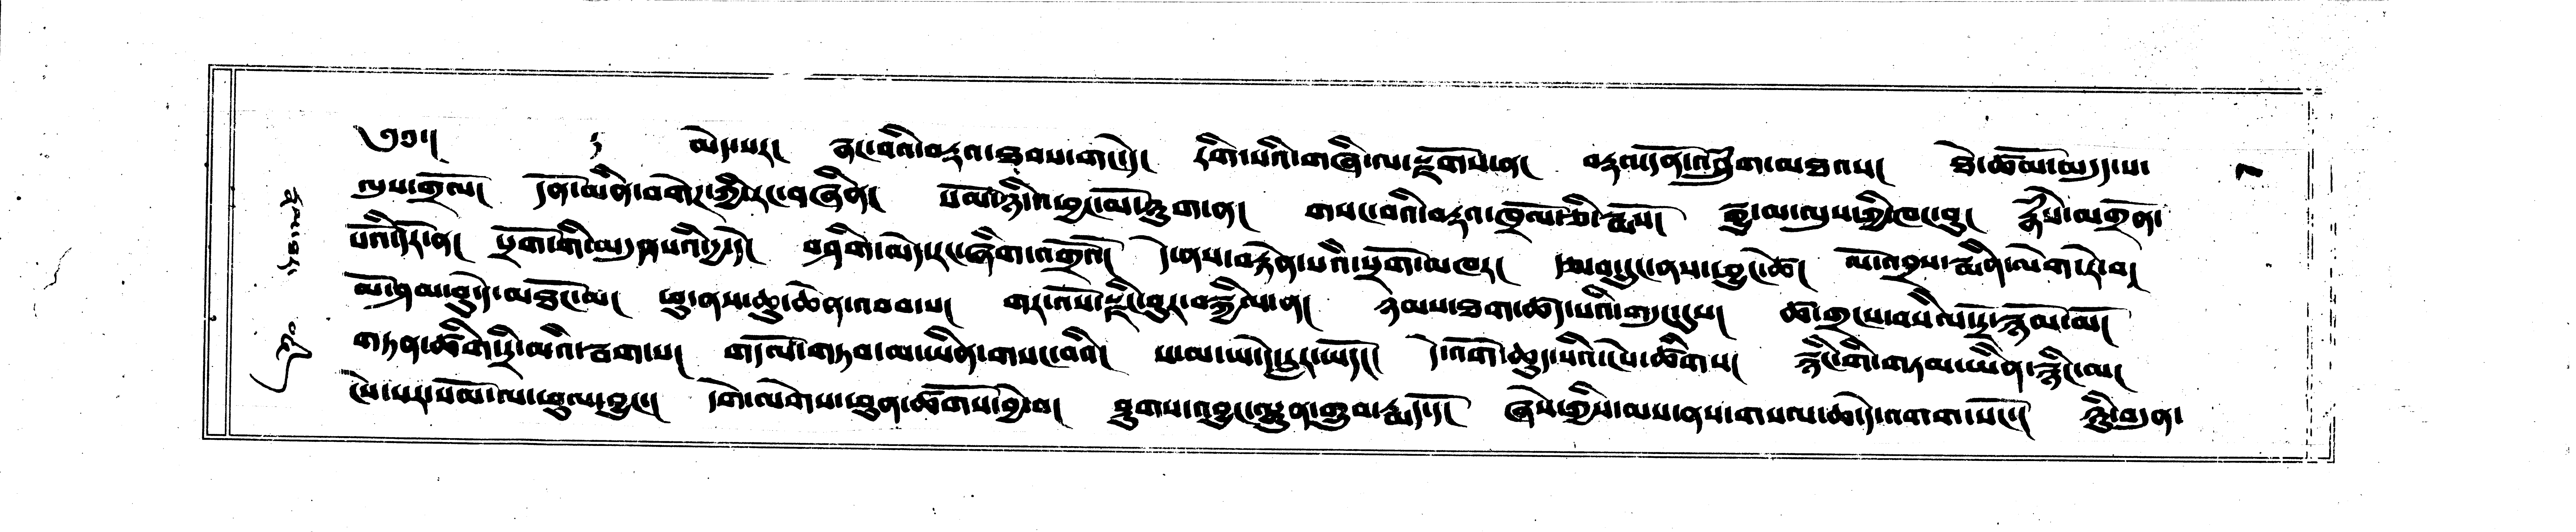མེད་པར། སྣང་བའི་བརྡ་ཐབས་གང་དེ། རིག་པའི་གཞི་ལ་རྫོགས་ན། བརྡ་དོན་འབུམ་ཕྲག་མཐའ་ཡས། ཐེ་ཚོམ་མདུད་པ་མ་
ལུས་གྲོལ། དོན་མིན་བགེགས་ཀྱི་རང་བཞིན། སོམ་ཉི་འཕྱང་མོ་ཉུག་ན། གསང་བའི་བརྡ་ཁྲོལ་ཅི་སྨོས། སྒྱུ་མ་ལུས་ཀྱི་ཁང་བུ། རྣམ་ཤེས་མགྲོན་
པོའི་དོ་ར། སྲོག་གི་མདུད་པའི་རྒྱ་དེ། བཤིག་མེད་རང་ཞིག་འགྲོ་འོ། །དེ་ནས་བརྟེན་པའི་སྲོག་མཁར། རྩ་བ་དྲུང་ནས་ཕྱུང་ཚེ། ལོ་འབྲས་སྨིན་ལེགས་རེ་བ།
 མོ་ཤམ་བུ་དེ་མཐོང་ལ། ཕུ་ནས་ཆུ་ཆེན་འབབས་པ། གར་འོས་རྫིང་བུར་བསྐྱིལ་ན། ཉམས་ཐག་ཚད་པའི་གདུང་རུས། ཚ་གྲང་བསིལ་དྲོད་སྙོམ་མོ། 
གཏན་ཚིགས་དྲི་མས་སྦག་པ། གདོལ་བཏབ་མ་ཡིན་གསང་བའི། ས་མ་ཡ་དེ་རླར་༼བསླང་༽ཡོད། དེ་འོག་ཆུད་པའི་ངེས་ཚིག སྙིང་གི་གཏམ་ཡིན་སྙིང་ལ། 
ངེས་པར་སོམས་ལ་ཕུལ་བྱུང་། དགེ་ལེགས་ཕུན་ཚོགས་བྱེ་བ། ཤུགས་འབྱུང་ལྷུན་གྲུབ་རྨད་དོ། ཞེས་ཀྱིས་མས་ནས་གསལ་ཆ་དེ་འགགས་སོང་། ཤི་ཤུ་བདུན་